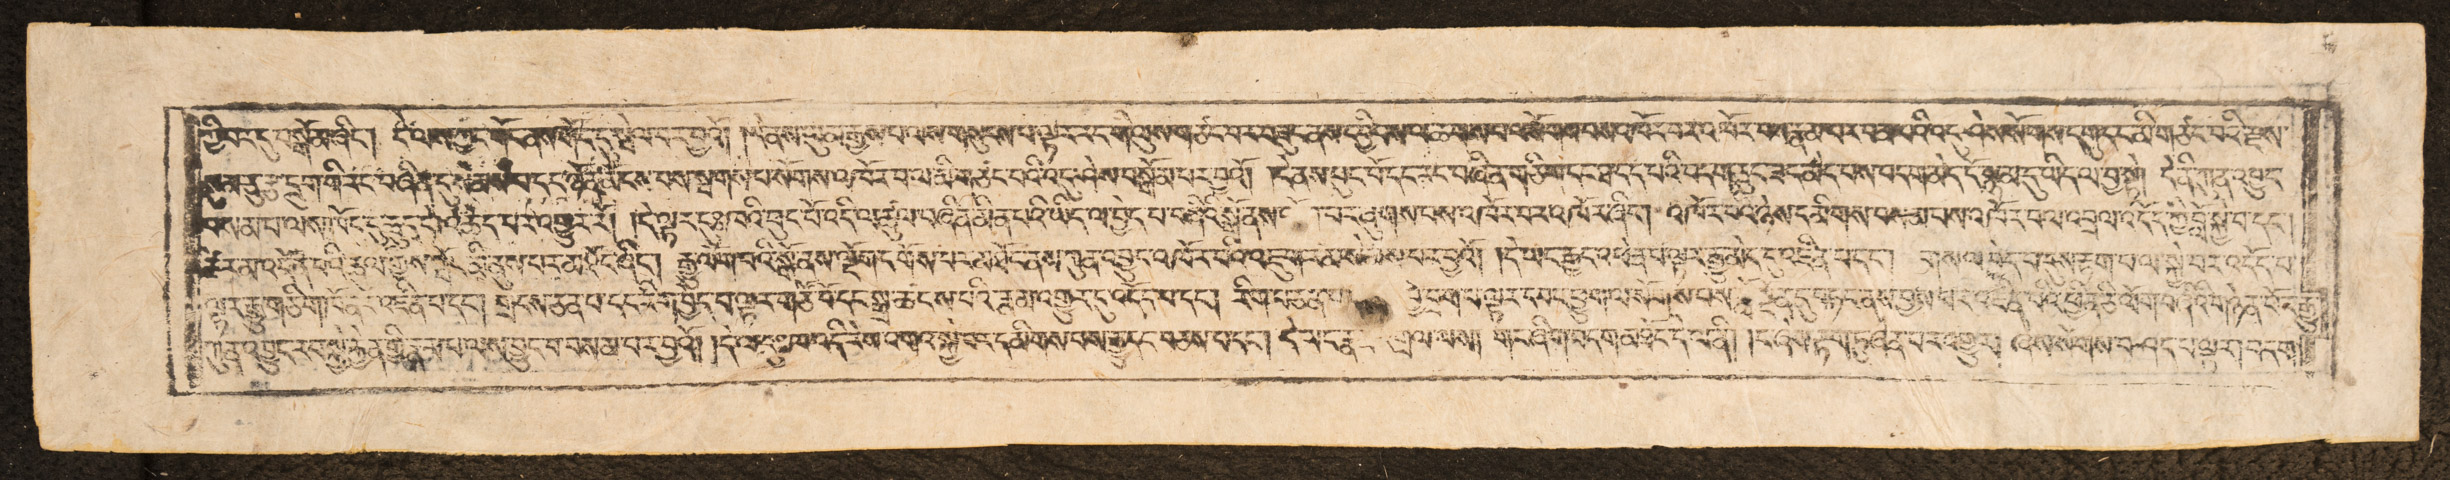ཀྱི་བར་དུ་བསྒོམ་ཞིང་། དེ་ལས་ཀྱང་གོང་ནས་གོང་དུ་སྤེལ་བར་བྱའོ། །དེ་ནས་ཡུམ་རྒྱས་པ་ལས་གསུངས་པ་ལྟར་རང་གི་ལུས་གཙང་བར་བཟུང་ནས་དབྱིབས་ལ་ཆགས་པ་ལ་སོགས་པས་འཁོར་བར་འཁོར་བས་རྣམ་པར་བམ་པའི་འདུ་ཤེས་སོགས་དགུ་དང་མི་གཙང་བའི་རྫས་
སུམ་ཅུ་རྩ་དྲུག་གི་རང་བཞིན་དུ་སེམས་པ་དང་ཉོན་མོངས་པས་སྤགས་པ་སོགས་འཁོར་བ་ལ་མི་གཙང་བའི་འདུ་ཤེས་བསྒོམ་པར་བྱའོ། །དེ་ནས་ཕུང་པོ་དང་རང་བཞིན་གཅིག་དང་ཐ་དད་པའོ་བདག་ཅུང་ཟད་མེད་པས་བདག་མེད་དོ་སྙམ་དུ་ཡིད་ལ་བྱ་སྟེ། དེ་ནི་ཀུན་འབྱུང་
བསམ་པ་ལས་ཁོང་དུ་ཆུད་དེ། འཆད་པར་འགྱུར་རོ། །དེ་ལྟར་དུཿ ཁའི་ཕུང་པོ་འདི་ལ་ཚུལ་བཞིན་མིན་པའི་ཡིད་ལ་བྱེད་པ་བཞིའི་སྒོ་ནས་ལོག་པར་ཞུགས་པས་འཁོར་བར་འཁོར་ཞིང་། འཁོར་བའི་ཉེས་དམིགས་བསམ་པས་འཁོར་བ་ལ་འབྲལ་འདོད་ཀྱི་བློ་སྐྱེ་བ་དང་།
ཚེར་མ་འདོན་པའི་ཚུལ་གྱིས་སྤོང་མི་ནུས་པར་མཐོང་ཞིང་། རྒྱུ་ལོག་པའི་སྒོ་ནས་ལྡོག་དགོས་པར་མཐོང་ནས་ཀུན་འབྱུང་འཁོར་བའི་འཇུག་རིམ་སེམས་པར་བྱའོ། །དེ་ཡང་རྒྱང་འཕེན་པ་ལྟར་རྒྱུ་མེད་དུ་འཛིན་པ་དང་། གསལ་བྱེད་པ་དུས་རྟག་པ་ལ་སྐྱེ་བར་འདོད་པ་
ལྟར་རྒྱུ་གཅིག་ཁོ་ནར་འཛིན་པ་དང་། གྲངས་ཅན་པ་དང་རིག་བྱེད་པ་ལྟར་གཙོ་བོ་དང་སྒྲ་ཚངས་པའི་རྣམ་འགྱུར་དུ་འདོད་པ་དང་། རིག་པ་ཅན་དང་། བྱེ་བྲག་པ་ལྟར་དབང་ཕྱུག་ལ་སོགས་པས་བློ་སྔོན་དུ་བཏང་ནས་བྱས་པར་འཛིན་པའི་ཕྱིན་ཅི་ལོག་བཞིའི་གཉེན་པོར་རྒྱུ་
ཀུན་འབྱུང་རབ་སྐྱེ་རྐྱེན་གྱི་རྣམ་པ་ལས་བྱུང་བ་བསམ་པར་བྱའོ། །དེ་ལ་དུཿ ཁ་འདི་རེས་འགའ་སྐྱེ་བར་དམིགས་པས་རྒྱུ་དང་བཅས་པ་དང་། དེ་ཡང་རྣམ་འགྲེལ་ལས། གང་ཞིག་བདག་མཐོང་དེ་ལ་ནི། །ང་ཞེས་རྟག་ཏུ་ཞེན་པར་འགྱུར། ཞེས་སོགས་བཤད་པ་ལྟར། བདག་